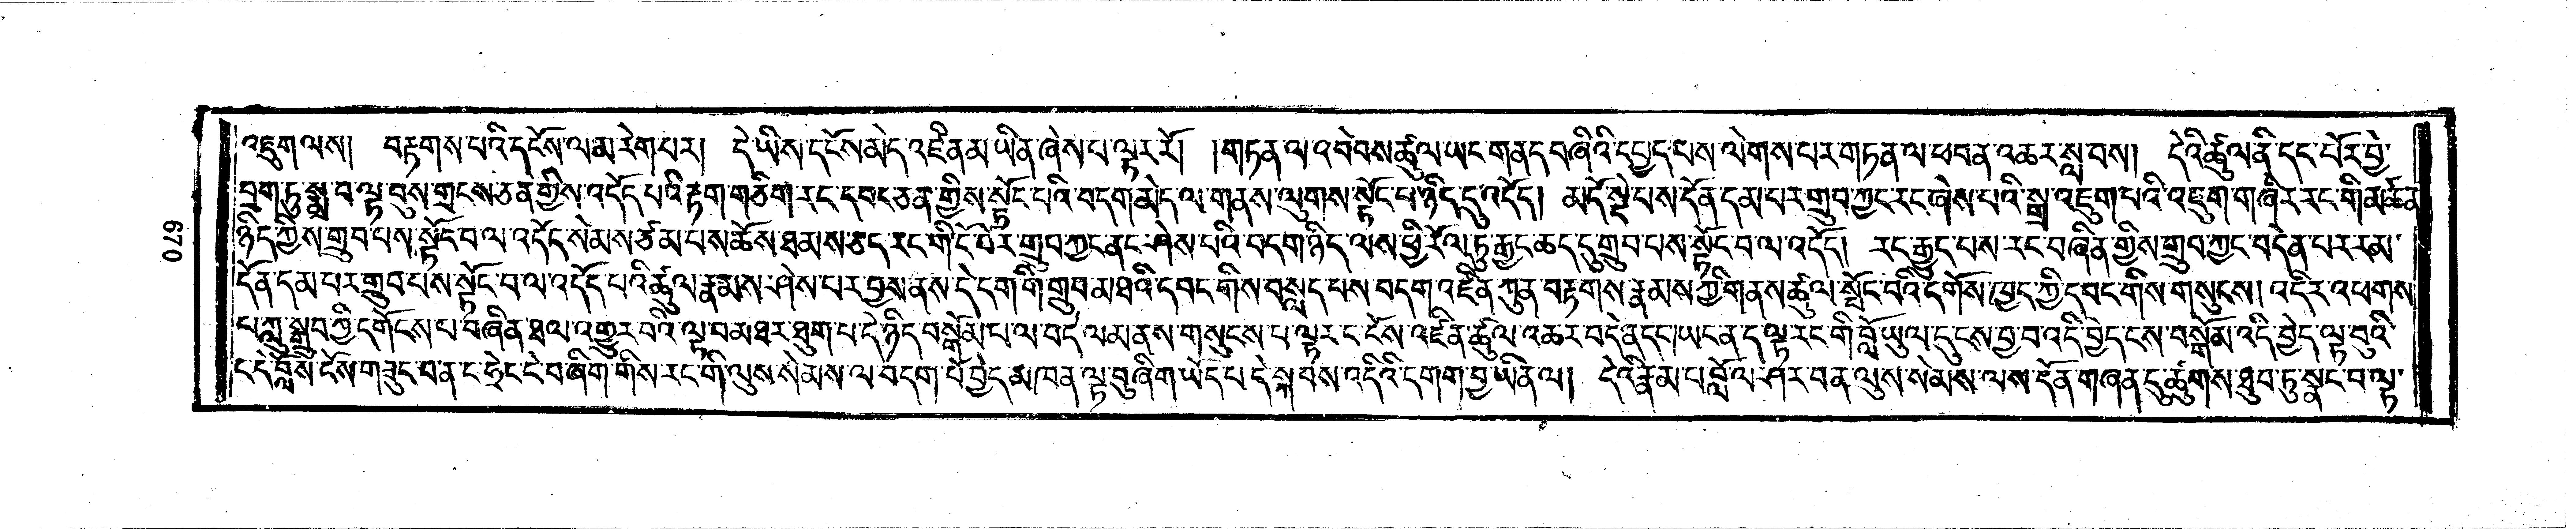འཇུག་ལས། བརྟགས་པའི་དངོས་ལམ་རེག་པར། དེ་ཡིས་དངོས་མེད་འཛིན་མ་ཡིན་ཞེས་པ་ལྟར་རོ། །གཏན་ལ་འབེབས་ཚུལ་ཡང་གནད་བཞིའི་དཔྱད་པས་ལེགས་པར་གཏན་ལ་ཕབ་ན་འཆར་སླ་བས། དེའི་ཚུལ་ནི་དང་པོར་བྱེ་
བྲག་ཏུ་སྨྲ་བ་ལྟ་བུས་གྲངས་ཅན་གྱིས་འདོད་པའི་རྟག་གཅིག་རང་དབང་ཅན་གྱིས་སྟོང་པའི་བདག་མེད་ལ་གནས་ལུགས་སྟོང་པ་ཉིད་དུ་འདོད། མདོ་སྡེ་པས་དོན་དམ་པར་གྲུབ་ཀྱང་རང་ཞེས་པའི་སྒྲ་འཇུག་པའི་འཇུག་གཞིར་རང་གི་མཚན་
ཉིད་ཀྱིས་གྲུབ་པས་སྟོང་བ་ལ་འདོད་སེམས་ཙམ་པས་ཆོས་ཐམས་ཅད་རང་གི་ངོ་བོར་གྲུབ་ཀྱང་ནང་ཤེས་པའི་བདག་ཉིད་ལས་ཕྱི་རོལ་ཏུ་རྒྱང་ཆད་དུ་གྲུབ་པས་སྟོང་བ་ལ་འདོད། རང་རྒྱུད་པས་རང་བཞིན་གྱིས་གྲུབ་ཀྱང་བདེན་པར་རམ་
དོན་དམ་པར་གྲུབ་པས་སྟོང་བ་ལ་འདོད་པའི་ཚུལ་རྣམས་ཤེས་པར་བྱས་ནས་དེ་དག་གི་གྲུབ་མཐའི་དབང་གིས་བསླད་པས་བདག་འཛིན་ཀུན་བརྟགས་རྣམས་ཀྱི་གནས་ཚུལ་སྤོང་བའི་དགོས་ཁྱད་ཀྱི་དབང་གིས་གསུངས། འདིར་འཕགས་
པ་ཀླུ་སྒྲུབ་ཀྱི་དགོངས་པ་བཞིན་ཐལ་འགྱུར་བའི་ལྟ་བ་མཐར་ཐུག་པ་དེ་ཉིད་བསྒོམ་པ་ལ་བདེ་ལམ་ནས་གསུངས་པ་ལྟར་བ་ངོས་འཛིན་ཚུལ་འཆར་བདེན་དང་། ཡང་ན་ད་ལྟ་རང་གི་བློ་ཡུལ་དུ་ངས་བྱ་བ་འདི་བྱེད་ངས་བསྒོམ་འདི་བྱེད་ལྟ་བུའི་
ང་དེ་བློས་ངོས་གཟུང་བ་ན་ང་ཧྲེང་ངེ་བ་ཞིག་གིས་རང་གི་ལུས་སེམས་ལ་བདག་པོ་བྱེད་མཁན་ལྟ་བུ་ཞིག་ཡོད་པ་དེ་སྐབས་འདིའི་དགག་བྱ་ཡིན་ལ། དེའི་རྣམ་པ་བློ་ལ་ཤར་བ་ན་ལུས་སེམས་ལས་དོན་གཞན་དུ་ཚུགས་ཐུབ་ཏུ་སྣང་བ་ལྟ་